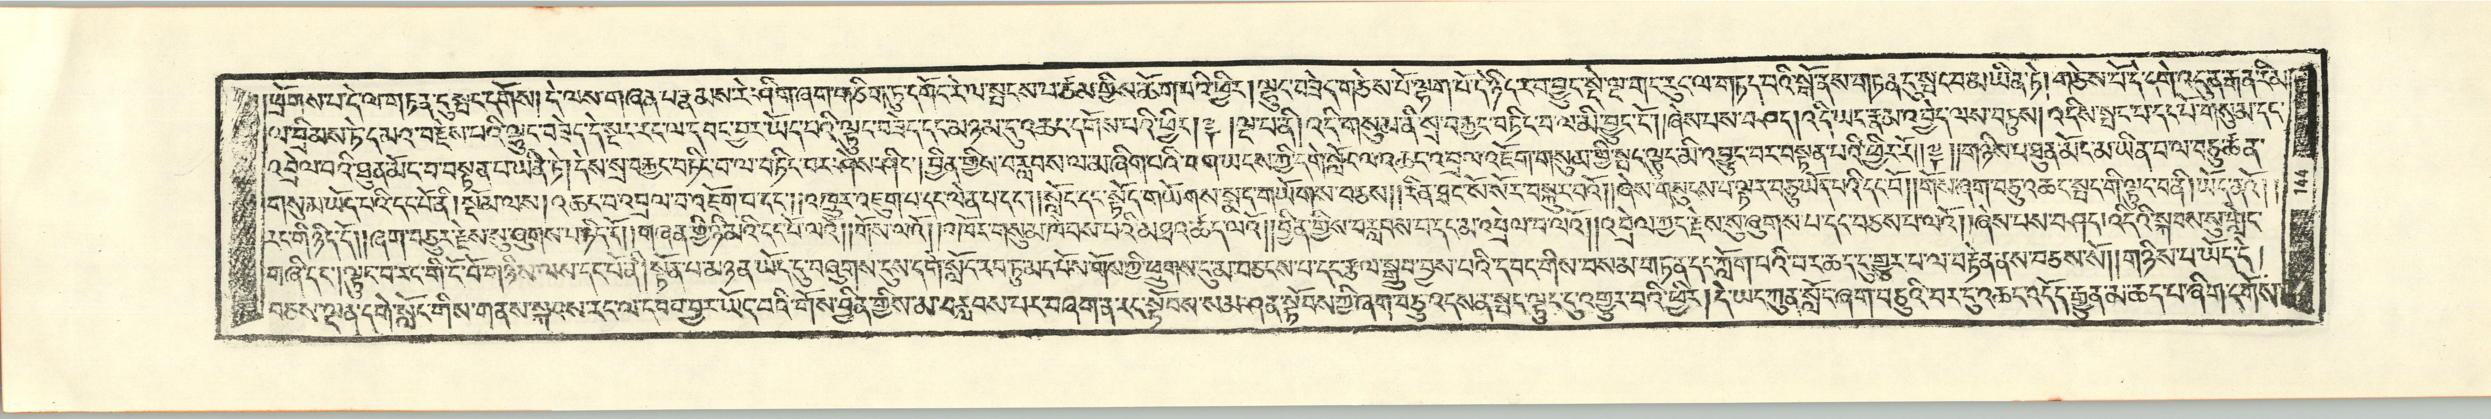ཕྲོགས་པ་དེ་ལ་གཏན་དུ་སྤང་དགོས། དེ་ལས་གཞན་པ་རྣམས་རེ་ཤིག་ཞག་གཅིག་ཏུ་དགོང་རེ་ལ་སྤངས་པ་ཙམ་གྱིས་ཆོག་པའི་ཕྱིར། ལྟུང་བཟེད་གཅེས་པོ་ལྷག་པོ་དེ་ཉིད་རབ་བྱུང་སྡེ་ལྔ་གང་རུང་ལ་གཏད་པའི་སྒོ་ནས་གཏན་དུ་སྤང་བ་མ་ཡིན་ཏེ། གཅེས་པོ་དེ་དགེ་འདུན་རྒན་རིམ་
ལ་བྲིམས་ཏེ་དམའ་བརྗེས་པའི་ལྷུང་བཟེད་དེ་སྔར་རང་ལ་དབང་བྱར་ཡོད་པའི་ལྟུང་བཟེད་དང་མཉམ་དུ་འཆང་དགོས་པའི་ཕྱིར། ༈ །ལྔ་པ་ནི། འདི་གསུམ་ནི་སྲ་བརྐྱང་བཏིང་བ་ལ་མི་བྱུང་ངོ། །ཞེས་པས་བཤད། འདི་ཡང་རྣམ་འབྱེད་ལས་བཏུས། འདིས་སྤང་པ་དང་པོ་གསུམ་དང་
འབྲེལ་བའི་ཐུན་མོང་བ་བསྟན་པ་ཡིན་ཏེ། དེས་སྲ་བརྐྱང་བཏིང་བ་ལ་བཏིང་བར་ཤེས་ཤིང་། བྱིན་གྱིས་བརླབས་ལ་མ་ཞིག་པའི་བག་ཡངས་ཀྱི་དགེ་སློང་ལ་འཆད་འབྲལ་འཇོག་གསུམ་གྱི་སྤང་ལྟུང་མི་འབྱུང་བར་བསྟན་པའི་ཕྱིར་རོ།། ༈ །།གཉིས་པ་ཐུན་མོང་མ་ཡིན་པ་ལ་བཅུ་ཚན་
གསུམ་ཡོད་པའི་དང་པོ་ནི། སྡོམ་ལས། འཆད་བ་འབྲལ་བ་འཇོག་པ་དང་། །འཁྲུར་འཇུག་པ་དང་ལེན་པ་དང་། །སློང་དང་སྟོད་གཡོགས་སྨད་གཡོགས་བཅས། །རིན་ཐང་སོ་སོར་བསྐུར་བའོ། །ཞེས་གསུངས་པ་ལྟར་བཅུ་ཡོད་པའི་དང་པོ། །གོས་ཞག་བཅུ་འཆང་སྤང་གི་ལྟུང་བ་ནི། ཡོད་ནའོ། །
རང་གི་ཉིད་དོ། །ཞག་བཅུར་རྗེས་སུ་ཞུགས་པ་ཏིང་ངོ། །གཞན་གྱི་ཉི་མའི་དང་པོ་ལའོ། །གོས་ལའོ། །འཁོར་གསུམ་ཁེབས་པའི་མཐའ་ཚད་ལའོ། །བྱིན་གྱིས་བརླབས་པ་དང་མ་འབྲེལ་བ་ལའོ། །འབྲེལ་ཀྱང་རྗེས་སུ་ཞུགས་པ་དང་བཅས་པ་ལའོ། །ཞེས་པས་བཤད། འདིའི་སྐབས་སུ་གླེང་
གཞི་དང་། ལྟུང་བ་རང་གི་ངོ་བོ་གཉིས་ལས་དང་པོ་ནི། སྟོན་པ་མཉན་ཡོད་དུ་བཞུགས་དུས་དགེ་སློང་རབ་ཏུ་མང་པོས་གོས་ཀྱི་ཕྲུགས་དུ་མ་བཅངས་པ་དང་རྩལ་སྒྲུབ་བྱས་པའི་དབང་གིས་བསམ་གཏན་དང་ཀློག་པའི་བར་ཆད་དུ་གྱུར་པ་ལ་བརྟེན་ནས་བཅས་སོ། །གཉིས་པ་ཡོད་དེ།
བཅས་ལྡན་དགེ་སློང་གིས་གནས་སྐབས་རང་ལ་དབབ་བྱར་ཡོད་པའི་གོས་བྱིན་གྱིས་མ་བརླབས་པར་བཞག་ན་རང་སྟོབས་སམ་ཤན་སྟོབས་ཀྱི་ཞག་བཅུ་འདས་ན་སྤང་ལྟུང་དུ་འགྱུར་བའི་ཕྱིར། དེ་ཡང་ཀུན་སློང་ཞག་བཅུའི་བར་དུ་འཆད་འདོད་རྒྱུན་མ་ཆད་པ་ཞིག་དགོས་